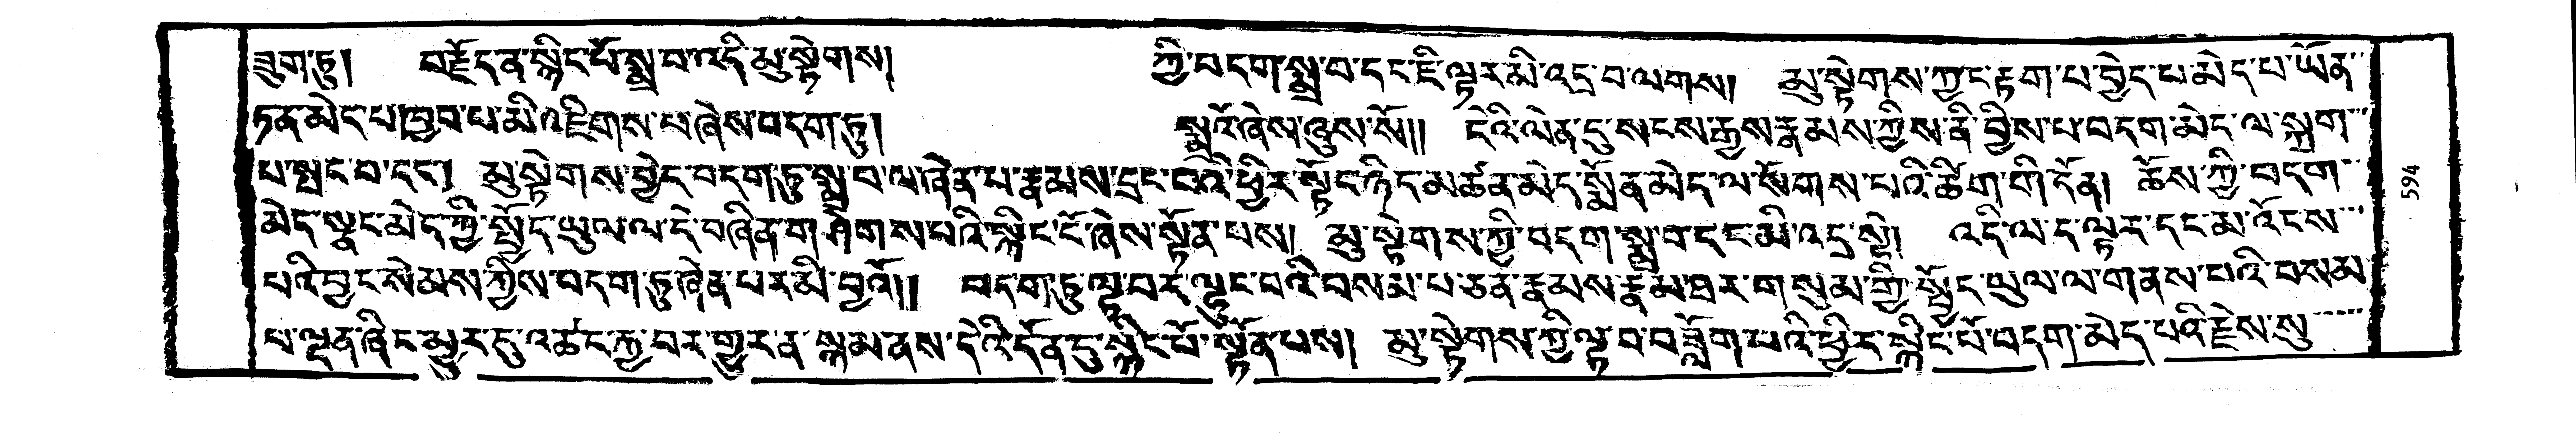ཟུག་ཏུ། བརྗོད་ན་སྙིང་པོ་སྨྲ་བ་འདི་མུ་སྟེགས། ཀྱི་བདག་སྨྲ་བ་དང་ཇི་ལྟར་མི་འདྲ་བ་ལགས། མུ་སྟེགས་ཀྱང་རྟག་པ་བྱེད་པ་མེད་པ་ཡོན་
ཏན་མེད་པ་ཁྱབ་པ་མི་འཇིགས་པ་ཞེས་བདག་ཏུ། སྨྲའོ་ཞེས་ཞུས་སོ། །དེའི་ལེན་དུ་སངས་རྒྱས་རྣམས་ཀྱིས་ནི་བྱིས་པ་བདག་མེད་ལ་སྐྲག་
པ་སྤང་བ་དང་། མུ་སྟེགས་བྱེད་བདག་ཏུ་སྨྲ་བ་ལ་ཞེན་པ་རྣམས་དྲང་བའི་ཕྱིར་སྟོང་ཉིད་མཚན་མེད་སྨོན་མེད་ལ་སོགས་པའི་ཚིག་གི་དོན། ཆོས་ཀྱི་བདག་
མེད་སྣང་མེད་ཀྱི་སྤྱོད་ཡུལ་ལ་དེ་བཞིན་གཤེགས་པའི་སྙིང་པོ་ཞེས་སྟོན་པས། མུ་སྟེགས་ཀྱི་བདག་སྨྲ་བ་དང་མི་འདྲ་སྟེ། འདི་ལ་ད་ལྟར་དང་མ་འོངས་
པའི་བྱང་སེམས་ཀྱིས་བདག་ཏུ་ཞེན་པར་མི་བྱའོ། །བདག་ཏུ་ལྟ་བར་ལྟུང་བའི་བསམ་པ་ཅན་རྣམས་རྣམ་ཐར་གསུམ་གྱི་སྤྱོད་ཡུལ་ལ་གནས་པའི་བསམ་
པ་ལྡན་ཞིང་མྱུར་དུ་འཚང་རྒྱ་བར་གྱུར་ན་སྙམ་ནས་དེའི་དོན་དུ་སྙིང་པོ་སྟོན་པས། མུ་སྟེགས་ཀྱི་ལྟ་བ་བཟློག་པའི་ཕྱིར་སྙིང་པོ་བདག་མེད་པའི་རྗེས་སུ་